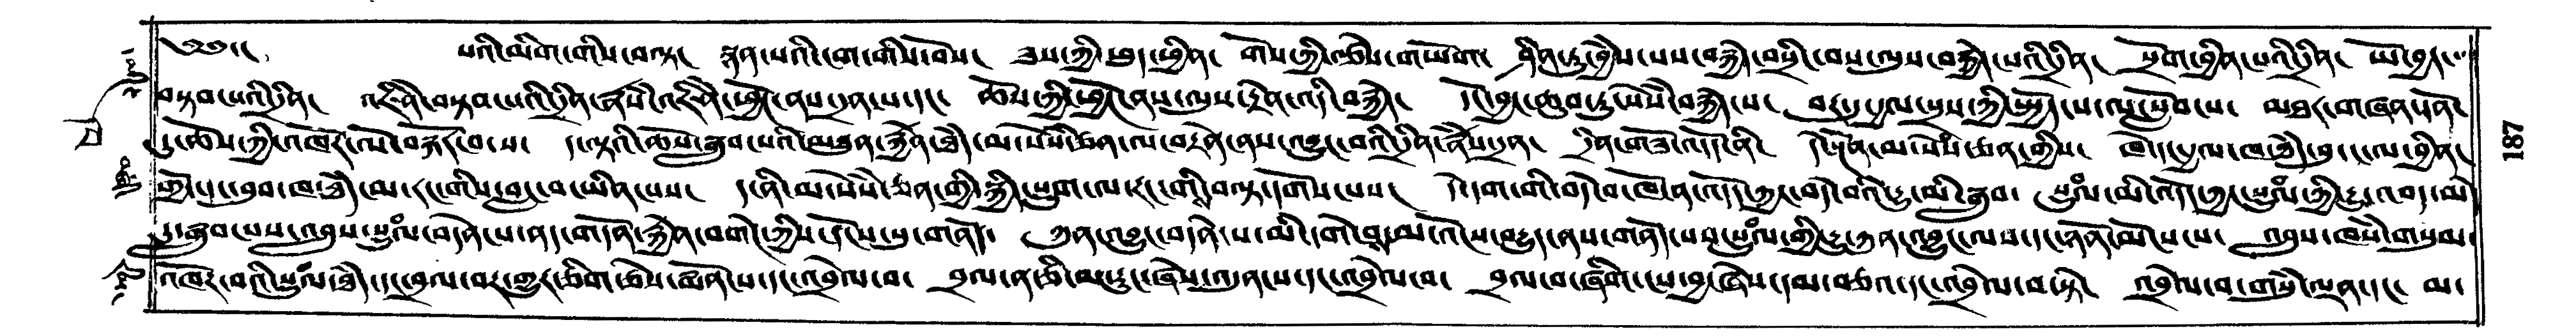པའི་མིག་གིས་བལྟས། སྙན་པའི་ངག་གིས་བོས། ཟས་ཀྱི་ཕུད་བྱིན། གོས་ཀྱི་རྩེས་གཡོགས། ཤིན་ཏུ་བྱམས་པས་བསྐྱེད་སྲིང་བས་ལུས་བསྐྱེད་པའི་དྲིན། སྲོག་བྱིན་པའི་དྲིན། ཡོ་བྱད་
བསྟབ་པའི་དྲིན། འཇིག་རྟེན་བསྟབ་པའི་དྲིན་རྣམས་འཇིག་རྟེན་ཕྱོགས་ནས་དྲན་པ་དང་། ཆོས་ཀྱི་ཕྱོགས་ནས་ལུས་རྟེན་འདི་བསྐྱེད། དང་པོ་བྱང་ཆུབ་ཏུ་སེམསབསྐྱེད་པ། བར་དུ་རྒྱལ་སྲས་ཀྱི་སྤྱོད་པ་ལ་སློབ་པ། མཐར་གཞན་དོན་
དུ་ཆོས་ཀྱི་འཁོར་ལོ་བསྐོར་བ། ད་ལྟའི་ཆོས་སྒྲུབ་པའི་མཐུན་རྐྱེན་ཐམས་ཅད་མ་སེམས་ཅན་ལ་བརྟེན་ནས་འབྱུང་བའི་དྲིན་རྣམས་དྲན། དྲིན་གཟོ་འདོད་ནི། དེ་སྔོན་མ་སེམས་ཅན་གྱིས། ཁེ་དང་རྒྱལ་ཁ་ཐམས་ཅད་བུ་ང་ལ་བྱིན། 
གྱོང་དང་བུབ་ཁ་ཐམས་ཅད་མ་རང་གིས་བླངས་བ་ཡིན་པས། ད་ནི་མ་སེམས་ཅན་གྱི་སྐྱིད་སྡུག་ལ་རང་གིས་བལྟ་དགོས་པས། དེ་དག་གིས་བདེ་བ་ཁོ་ན་འདོད་ཀྱང་བདེ་བའི་རྒྱུ་མི་སྒྲུབ། སྡུག་བསྔལ་མི་འདོད་ཀྱང་སྡུག་བསྔལ་ཀྱི་རྒྱུ་འབད་མེད་
དུ་སྒྲུབ་པས། འབྲས་བུ་བསྡུག་བསྔལ་བདེན་པ་ནང་གདོན་རྐྱེན་བགེགས་ཀྱིས་དངོས་སུ་གནོད། ཀུན་འབྱུང་བདེན་པ་མི་དགེ་བས་མ་འོངས་བརྒྱུད་ནས་གནོད་པས་སྡུག་བསྔལ་གྱི་རྒྱུ་ཀུན་འབྱུང་ལས་དང་ཉོན་མོངས་པ། འབྲས་བུ་ཁམས་གསུམ་
འཁོར་བའི་སྡུག་བསྔལ་ཐམས་ཅད་དང་བྲལ་བར་གྱུར་ཅིག་ཅེས་སྨོན་པ་དང་འབྲེལ་བ། བྲལ་ན་ཅི་མ་རུང་ཞེས་འདུན་པ་དང་འབྲེལ་བ། བྲལ་བ་ཞིག་ངས་བྱ་ཞེས་དམ་བཅའ་དང་འབྲེལ་བ་སྟེ། འབྲེལ་བ་གསུམ་ལྡན་དང་། མ་